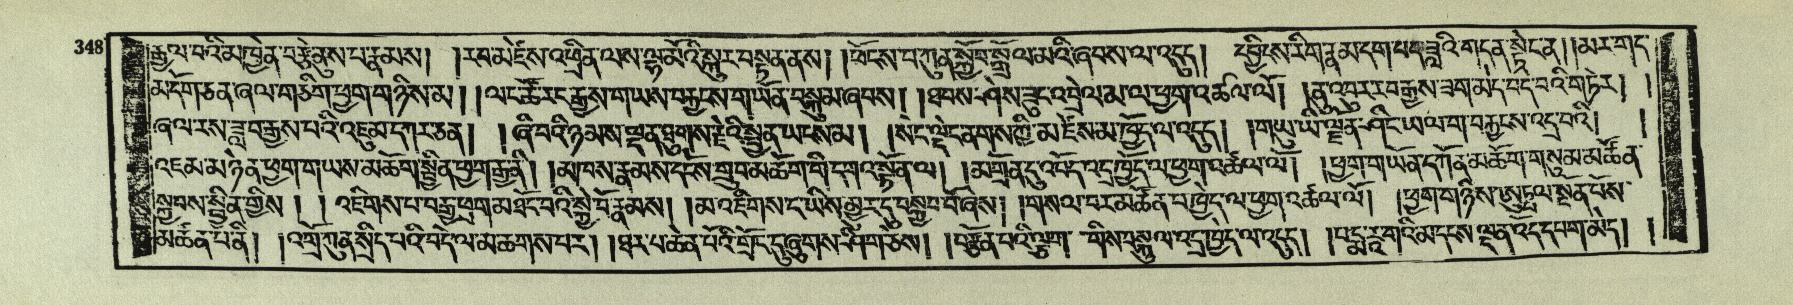རྒྱལ་བའི་མཁྱེན་བརྩེ་ནུས་པ་རྣམས། །རབ་མཛེས་ཕྲིན་ལས་ལྷ་མོའི་སྐུར་བསྟན་ནས། །ཕོངས་པ་ཀུན་སྐྱོབ་སྒྲོལ་མའི་ཞབས་ལ་འདུད། །དབྱིངས་རིག་རྣམ་དག་པད་ཟླའི་གདན་སྟེང་ན། །མར་གད་
མདོག་ཅན་ཞལ་གཅིག་ཕྱག་གཉིས་མ། །ལང་ཚོ་རང་རྒྱས་གཡས་བརྐྱངས་གཡོན་བསྐུམ་ཞབས། །ཐབས་ཤེས་ཟུང་འབྲེལ་མ་ལ་ཕྱག་འཚལ་ལོ། །ནུ་འབུར་རབ་རྒྱས་ཟག་མེད་བདེ་བའི་གཏེར། །
ཞལ་རས་ཟླ་བ་རྒྱས་པའི་འཇུམ་དཀར་ཅན། །ཞི་བའི་ཉམས་ལྡན་ཐུགས་རྗེའི་སྤྱན་ཡངས་མ། །སེང་ལྡེང་ནགས་ཀྱི་མཛེས་མ་ཁྱོད་ལ་འདུད། །གཡུ་ཡི་ལྗོན་ཤིང་ཡལ་ག་བརྐྱངས་འདྲ་བའི། །
འཇམ་མཉེན་ཕྱག་གཡས་མཆོག་སྦྱིན་ཕྱག་རྒྱ་ནི། །མཁས་རྣམས་དངོས་གྲུབ་མཆོག་གི་དགའ་སྟོན་ལ། །མགྲོན་དུ་འབོད་འདྲ་ཁྱོད་ལ་ཕྱག་འཚལ་ལོ། །ཕྱག་གཡོན་དཀོན་མཆོག་གསུམ་མཚོན་
སྐྱབས་སྦྱིན་གྱིས། །འཇིགས་པ་བརྒྱ་ཕྲག་མཐོང་བའི་སྐྱེ་བོ་རྣམས། །མ་འཇིགས་ང་ཡིས་མྱུར་དུ་བསྐྱབ་བོ་ཞེས། །གསལ་བར་མཚོན་པ་ཁྱེད་ལ་ཕྱག་འཚལ་ལོ། །ཕྱག་གཉིས་ཨུཏྤལ་སྔོན་པོས་
མཚན་པ་ནི། །འགྲོ་ཀུན་སྲིད་པའི་བདེ་ལ་མ་ཆགས་པར། །ཐར་པ་ཆེན་པོའི་གྲོང་དུ་ཞུགས་ཤིག་ཅེས། །བརྩོན་པའི་ལྕག་གིས་བསྐུལ་འདྲ་ཁྱེད་ལ་འདུད། །པདམ་རཱ་གའི་མདངས་ལྡན་འོད་དཔག་མེད། །